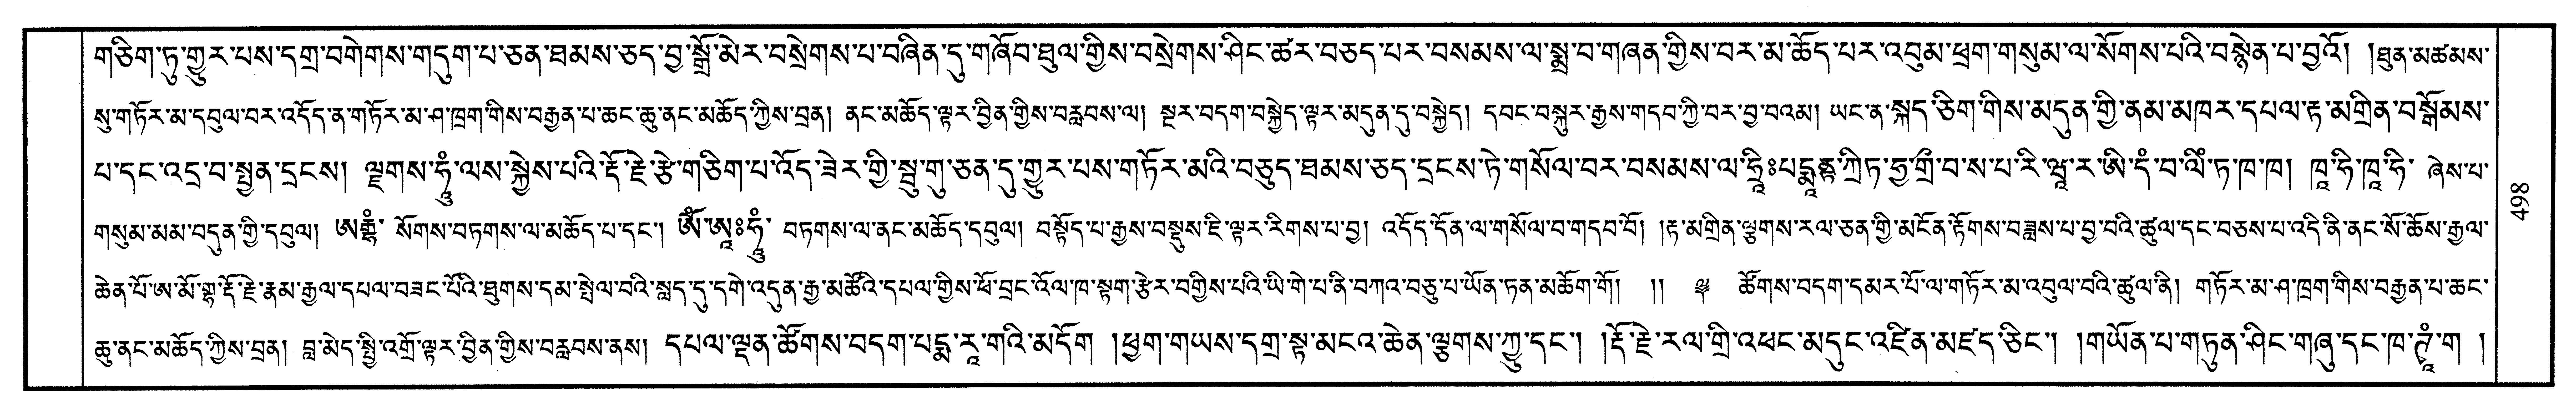གཅིག་ཏུ་གྱུར་པས་དགྲ་བགེགས་གདུག་པ་ཅན་ཐམས་ཅད་བྱ་སྒྲོ་མེར་བསྲེགས་པ་བཞིན་དུ་གཞོབ་ཐུལ་གྱིས་བསྲེགས་ཤིང་ཚར་བཅད་པར་བསམས་ལ་སྨྲ་བ་གཞན་གྱིས་བར་མ་ཆོད་པར་འབུམ་ཕྲག་གསུམ་ལ་སོགས་པའི་བསྙེན་པ་བྱའོ། །ཐུན་མཚམས་
སུ་གཏོར་མ་དབུལ་བར་འདོད་ན་གཏོར་མ་ཤ་ཁྲག་གིས་བརྒྱན་པ་ཆང་ཆུ་ནང་མཆོད་ཀྱིས་བྲན། ནང་མཆོད་ལྟར་བྱིན་གྱིས་བརླབས་ལ། སྔར་བདག་བསྐྱེད་ལྟར་མདུན་དུ་བསྐྱེད། དབང་བསྐུར་རྒྱས་གདབ་ཀྱི་བར་བྱ་བའམ། ཡང་ན་སྐད་ཅིག་གིས་མདུན་གྱི་ནམ་མཁར་དཔལ་རྟ་མགྲིན་བསྒོམས་
པ་དང་འདྲ་བ་སྤྱན་དྲངས། ལྗགས་ཧཱུཾ་ལས་སྐྱེས་པའི་རྡོ་རྗེ་རྩེ་གཅིག་པ་འོད་ཟེར་གྱི་སྦུ་གུ་ཅན་དུ་གྱུར་པས་གཏོར་མའི་བཅུད་ཐམས་ཅད་དྲངས་ཏེ་གསོལ་བར་བསམས་ལ་ཧྲཱིཿ པདམཱནྟ་ཀྲིཏ་ཧྱ་གྲྀ་བ་ས་པ་རི་ཝཱ་ར་ཨི་དཾ་བ་ལིཾ་ཏ་ཁ་ཁ། ཁཱ་ཧི་ཁཱ་ཧི་ཞེས་པ་
གསུམ་མམ་བདུན་གྱི་དབུལ། ཨརྒྷཾ་སོགས་བཏགས་ལ་མཆོད་པ་དང་། ཨོཾ་ཨཱཿ ཧཱུཾ་བཏགས་ལ་ནང་མཆོད་དབུལ། བསྟོད་པ་རྒྱས་བསྡུས་ཇི་ལྟར་རིགས་པ་བྱ། འདོད་དོན་ལ་གསོལ་བ་གདབ་བོ། །རྟ་མགྲིན་ལྕགས་རལ་ཅན་གྱི་མངོན་རྟོགས་བཟླས་པ་བྱ་བའི་ཚུལ་དང་བཅས་པ་འདི་ནི་ནང་སོ་ཆོས་རྒྱལ་
ཆེན་པོ་ཨ་མོ་གྷ་རྡོ་རྗེ་རྣམ་རྒྱལ་དཔལ་བཟང་པོའི་ཐུགས་དམ་སྤེལ་བའི་སླད་དུ་དགེ་འདུན་རྒྱ་མཚོའི་དཔལ་གྱིས་ཕོ་བྲང་འོལ་ཁ་སྟག་རྩེར་བགྱིས་པའི་ཡི་གེ་པ་ནི་བཀའ་བཅུ་པ་ཡོན་ཏན་མཆོག་གོ། །། ༈ ཚོགས་བདག་དམར་པོ་ལ་གཏོར་མ་འབུལ་བའི་ཚུལ་ནི། གཏོར་མ་ཤ་ཁྲག་གིས་བརྒྱན་པ་ཆང་
ཆུ་ནང་མཆོད་ཀྱིས་བྲན། བླ་མེད་སྤྱི་འགྲོ་ལྟར་བྱིན་གྱིས་བརླབས་ནས། དཔལ་ལྡན་ཚོགས་བདག་པདམ་རཱ་གའི་མདོག །ཕྱག་གཡས་དགྲ་སྟ་མངའ་ཆེན་ལྕགས་ཀྱུ་དང་། །རྡོ་རྗེ་རལ་གྲི་འཕང་མདུང་འཛིན་མཛད་ཅིང་། །གཡོན་པ་གཏུན་ཤིང་གཞུ་དང་ཁ་ཊྭཱཾ་ག །